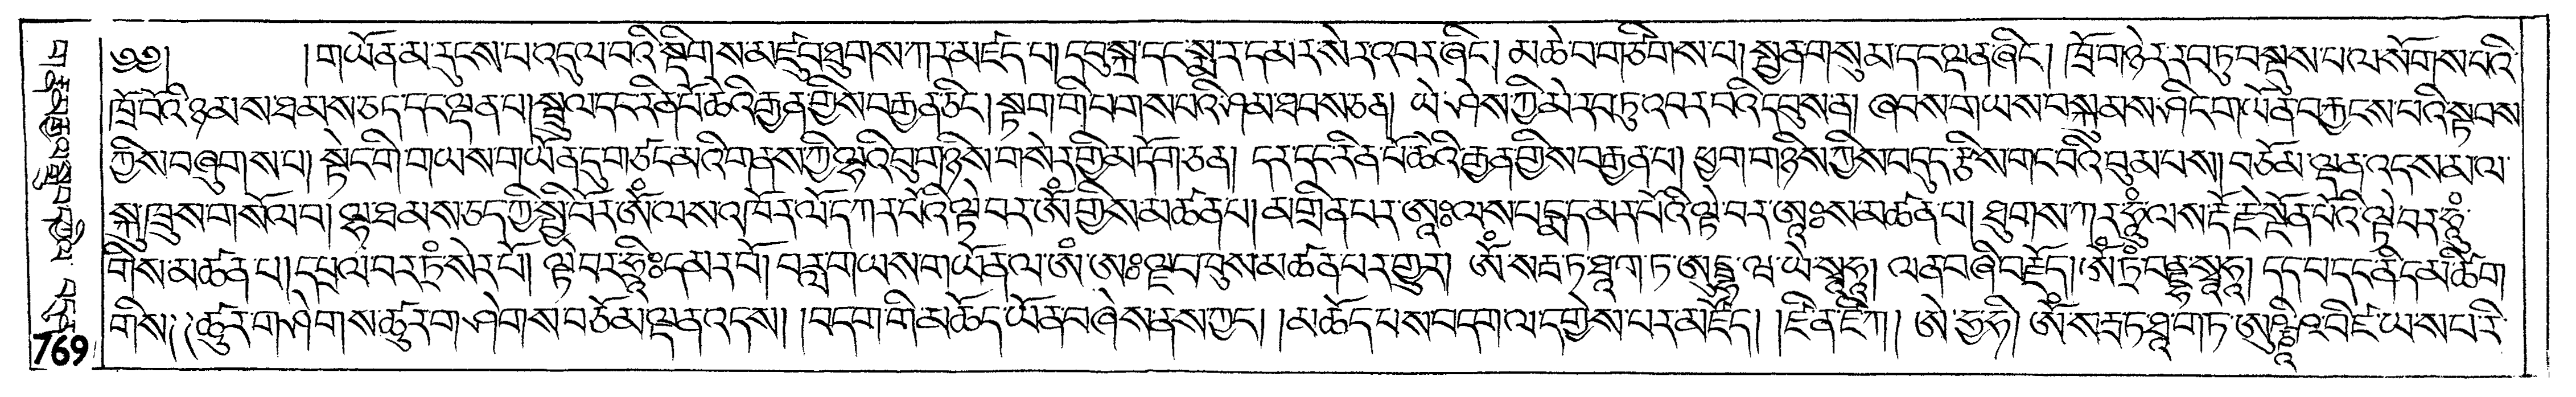༄༅། །གཡོན་མ་རུངས་པ་འདུལ་བའི་སྡིགས་མཛུབ་ཐུགས་ཀར་མཛད་པ། དབུ་སྐྲ་དང་སྨ་ར་དམར་སེར་འབར་ཞིང་། མཆེ་བ་གཙིགས་པ། སྤྱན་གསུམ་དང་ལྡན་ཞིང་། ཁྲོ་གཉེར་རབ་ཏུ་བསྡུས་པ་ལ་སོགས་པའི་
ཁྲོ་བོའི་ཉམས་ཐམས་ཅད་དང་ལྡན་པ། སྤྲུལ་དང་རིན་པོ་ཆེའི་རྒྱན་གྱིས་བརྒྱན་ཅིང་། སྟག་གི་པགས་པའི་ཤམ་ཐབས་ཅན། ཡེ་ཤེས་ཀྱི་མེ་རབ་ཏུ་འབར་བའི་དབུས་ན། ཞབས་གཡས་བསྐུམས་ཤིང་གཡོན་བརྐྱངས་པའི་སྟབས་
ཀྱིས་བཞུགས་པ། སྟེང་གི་གཡས་གཡོན་དུ་གཙང་མའི་གནས་ཀྱི་ལྷའི་བུ་གཉིས་གསེར་གྱི་མདོག་ཅན། དར་དང་རིན་པོ་ཆེའི་རྒྱན་གྱིས་བརྒྱན་པ། ཕྱག་གཉིས་ཀྱིས་བདུད་རྩིས་གང་བའི་བུམ་པས། བཅོམ་ལྡན་འདས་མ་ལ་
སྐུ་ཁྲུས་གསོལ་བ། ལྷ་ཐམས་ཅད་ཀྱི་སྤྱི་བོར་ཨོཾ་ལས་འཁོར་ལོ་དཀར་པོའི་ལྟེ་བར་ཨོཾ་གྱིས་མཚན་པ། མགྲིན་པར་ཨཱཿ ལས་པདམ་དམར་པོའི་ལྟེ་བར་ཨཱཿ ས་མཚན་པ། ཐུགས་ཀར་ཧཱུཾ་ལས་རྡོ་རྗེ་སྔོན་པོའི་ལྟེ་བར་ཧཱུཾ་
གིས་མཚན་པ། དཔྲལ་བར་ཏྲཾ་སེར་པོ། ལྟེ་བར་ཧྲཱིཿ དམར་པོ། བརླ་གཡས་གཡོན་ལ་ཨཾ་ཨཿ ལྗང་ཁུས་མཚན་པར་གྱུར། ཨོཾ་སརྦ་ཏ་ཐཱ་ག་ཏ་ཨུདབྷ་ཝ་ཡེ་སྭཱཧཱ། ལན་བཞི་བརྗོད། ཨོཾ་ཏྲཾ་བནྡྷ་སྭཱཧཱ། དད་པ་དང་ནི་དམ་ཚིག་
གིས༑ ༑ཚུར་གཤེགས་ཚུར་གཤེགས་བཅོམ་ལྡན་འདས། བདག་གི་མཆོད་ཡོན་བཞེས་ནས་ཀྱང་། །མཆོད་པས་བདག་ལ་དགྱེས་པར་མཛོད། །ཛི་ན་ཛི་ཀ། ཨེ་ཧྱ་ཧི། ཨོཾ་སརྦ་ཏ་ཐཱ་ག་ཏ་ཨུཥྞཱི་ཤ་བི་ཛ་ཡ་ས་པ་རི་